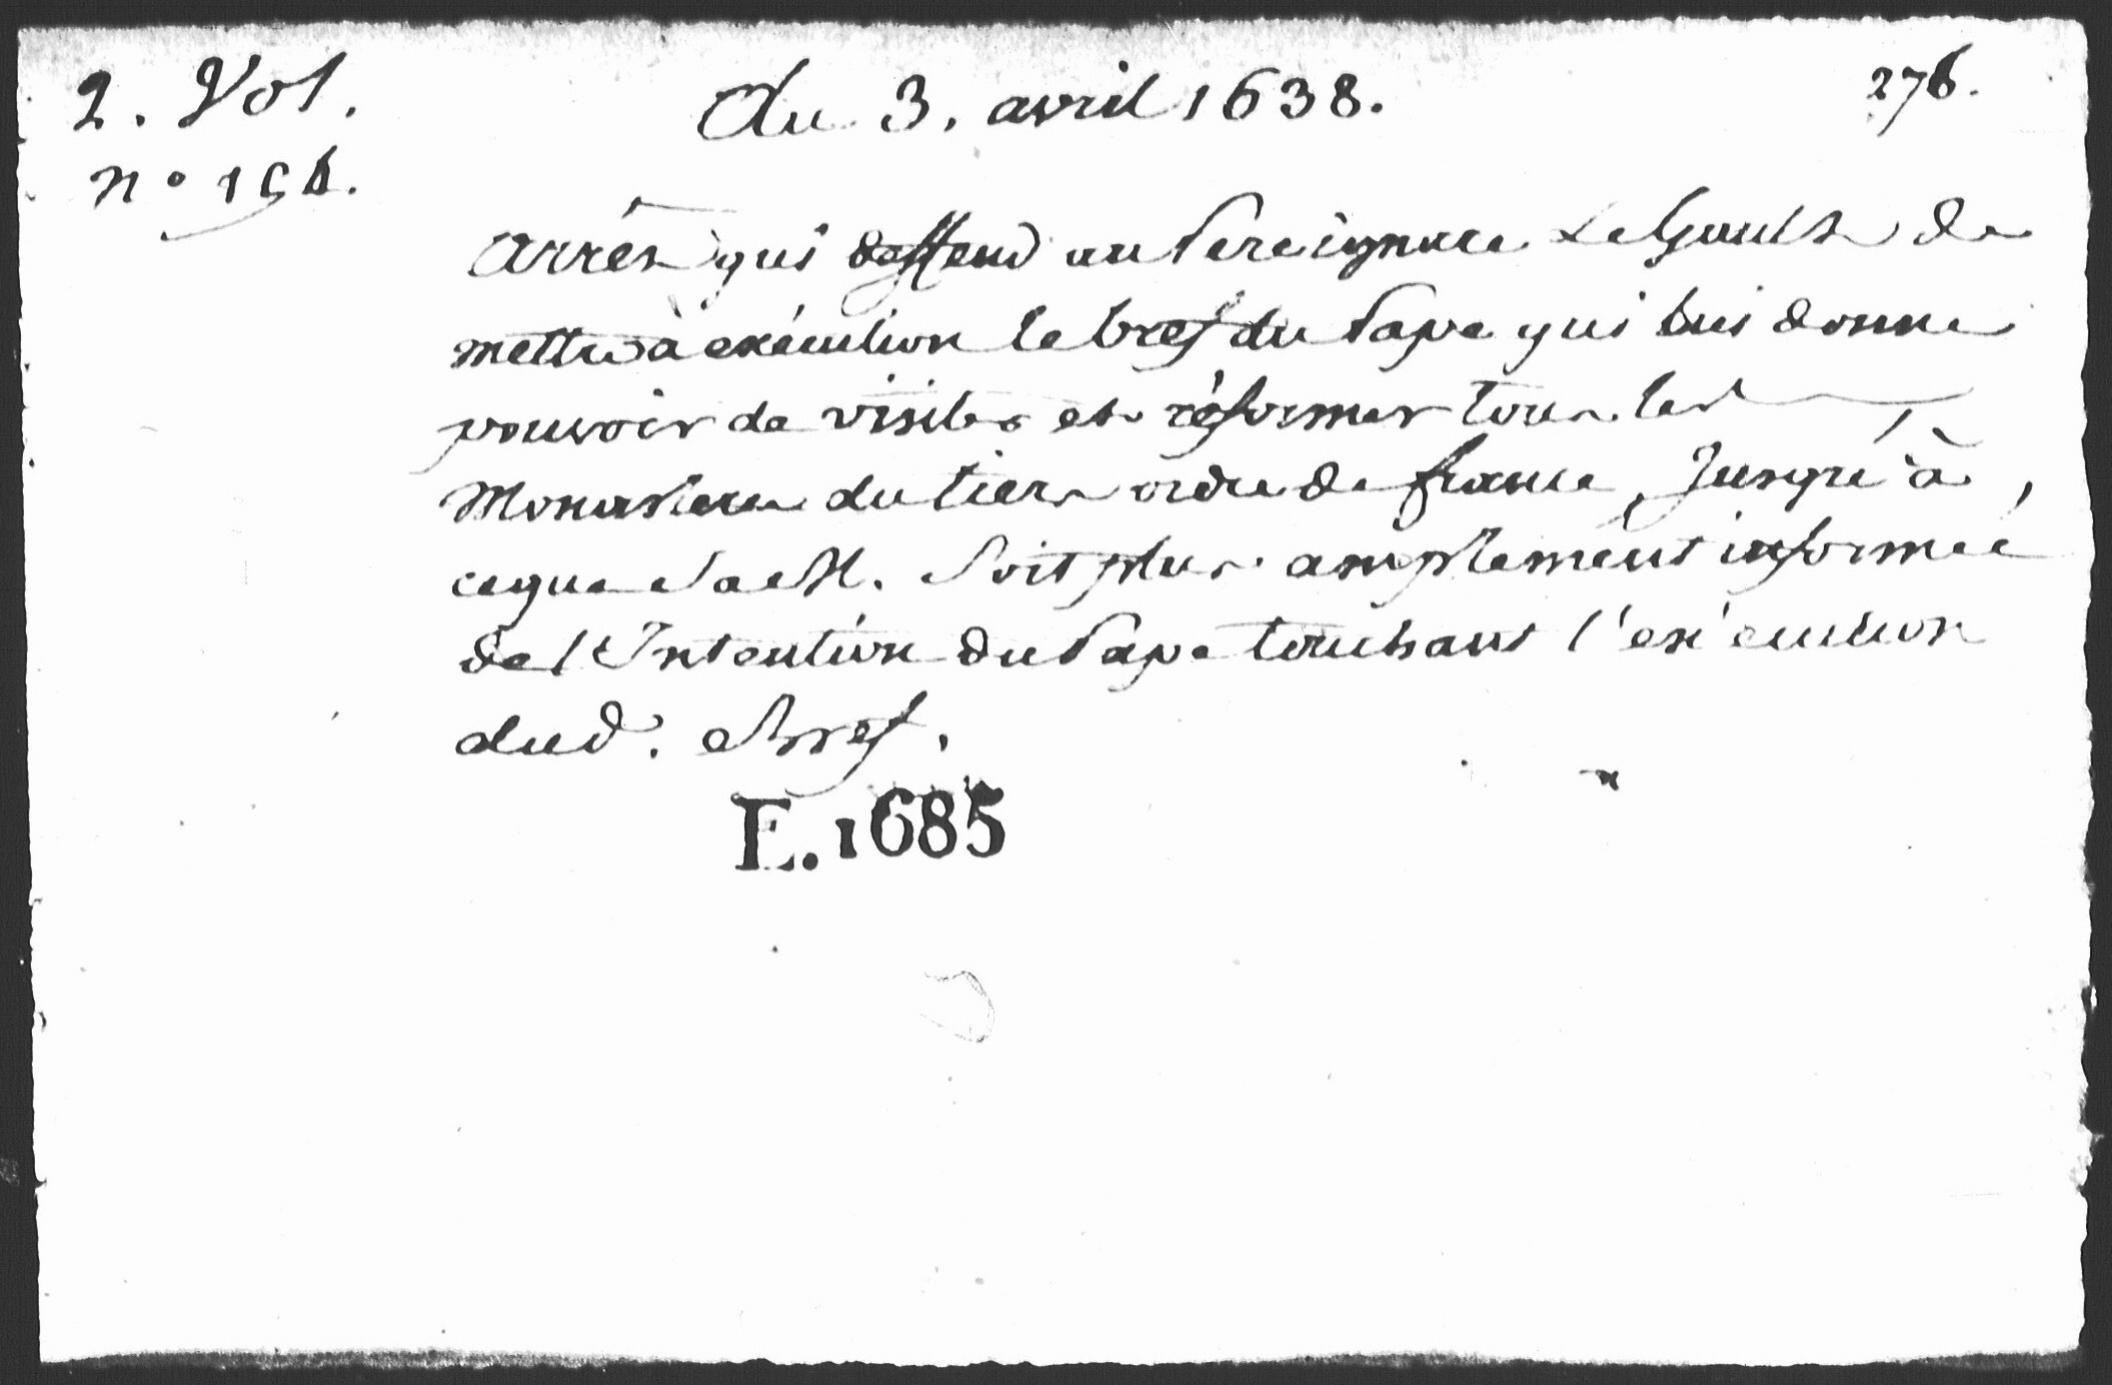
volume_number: n°154
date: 3 avril 1638
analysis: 276
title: Arrêt qui deffend au Pere Ignace Le Gault de mettre à exécution le bref du Pape qui lui donne pouvoir de visiter et réformer tous les monasteres du tiers ordre de france, jusqu'à ce que Sa M. soit plus amplement informée de l'intention du Pape touchant l'exécution dud. bref.
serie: E
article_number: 1685
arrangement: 2. vol.
